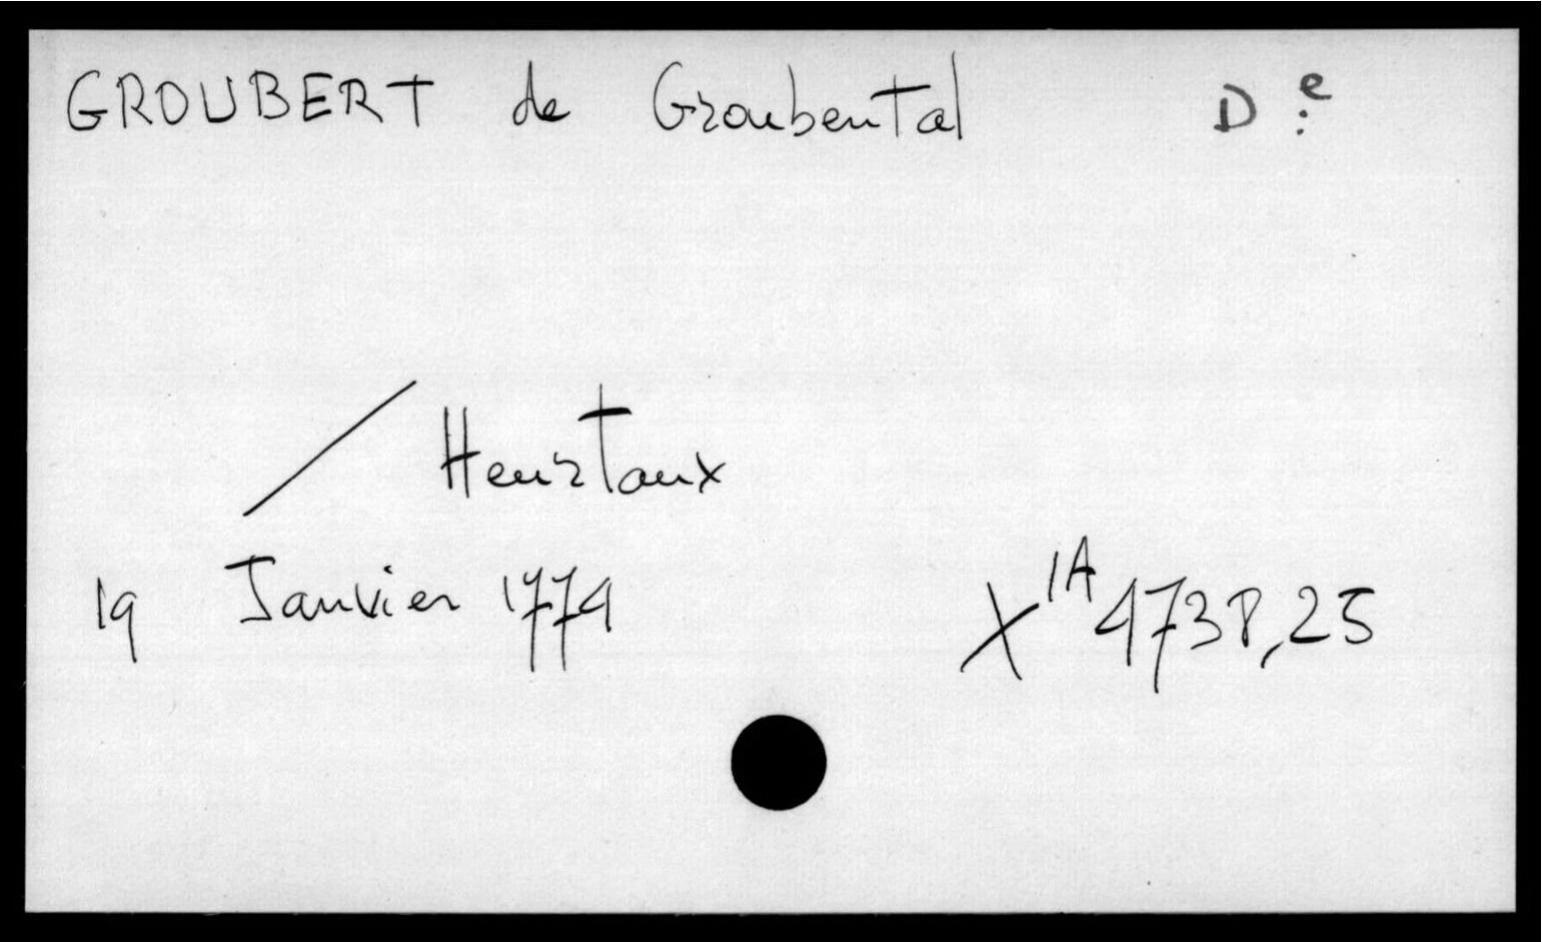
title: GROUBERT de Groubental (Dame)
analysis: Contre Heurtaux
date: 19 janvier 1774
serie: X1A
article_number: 4738
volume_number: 25
